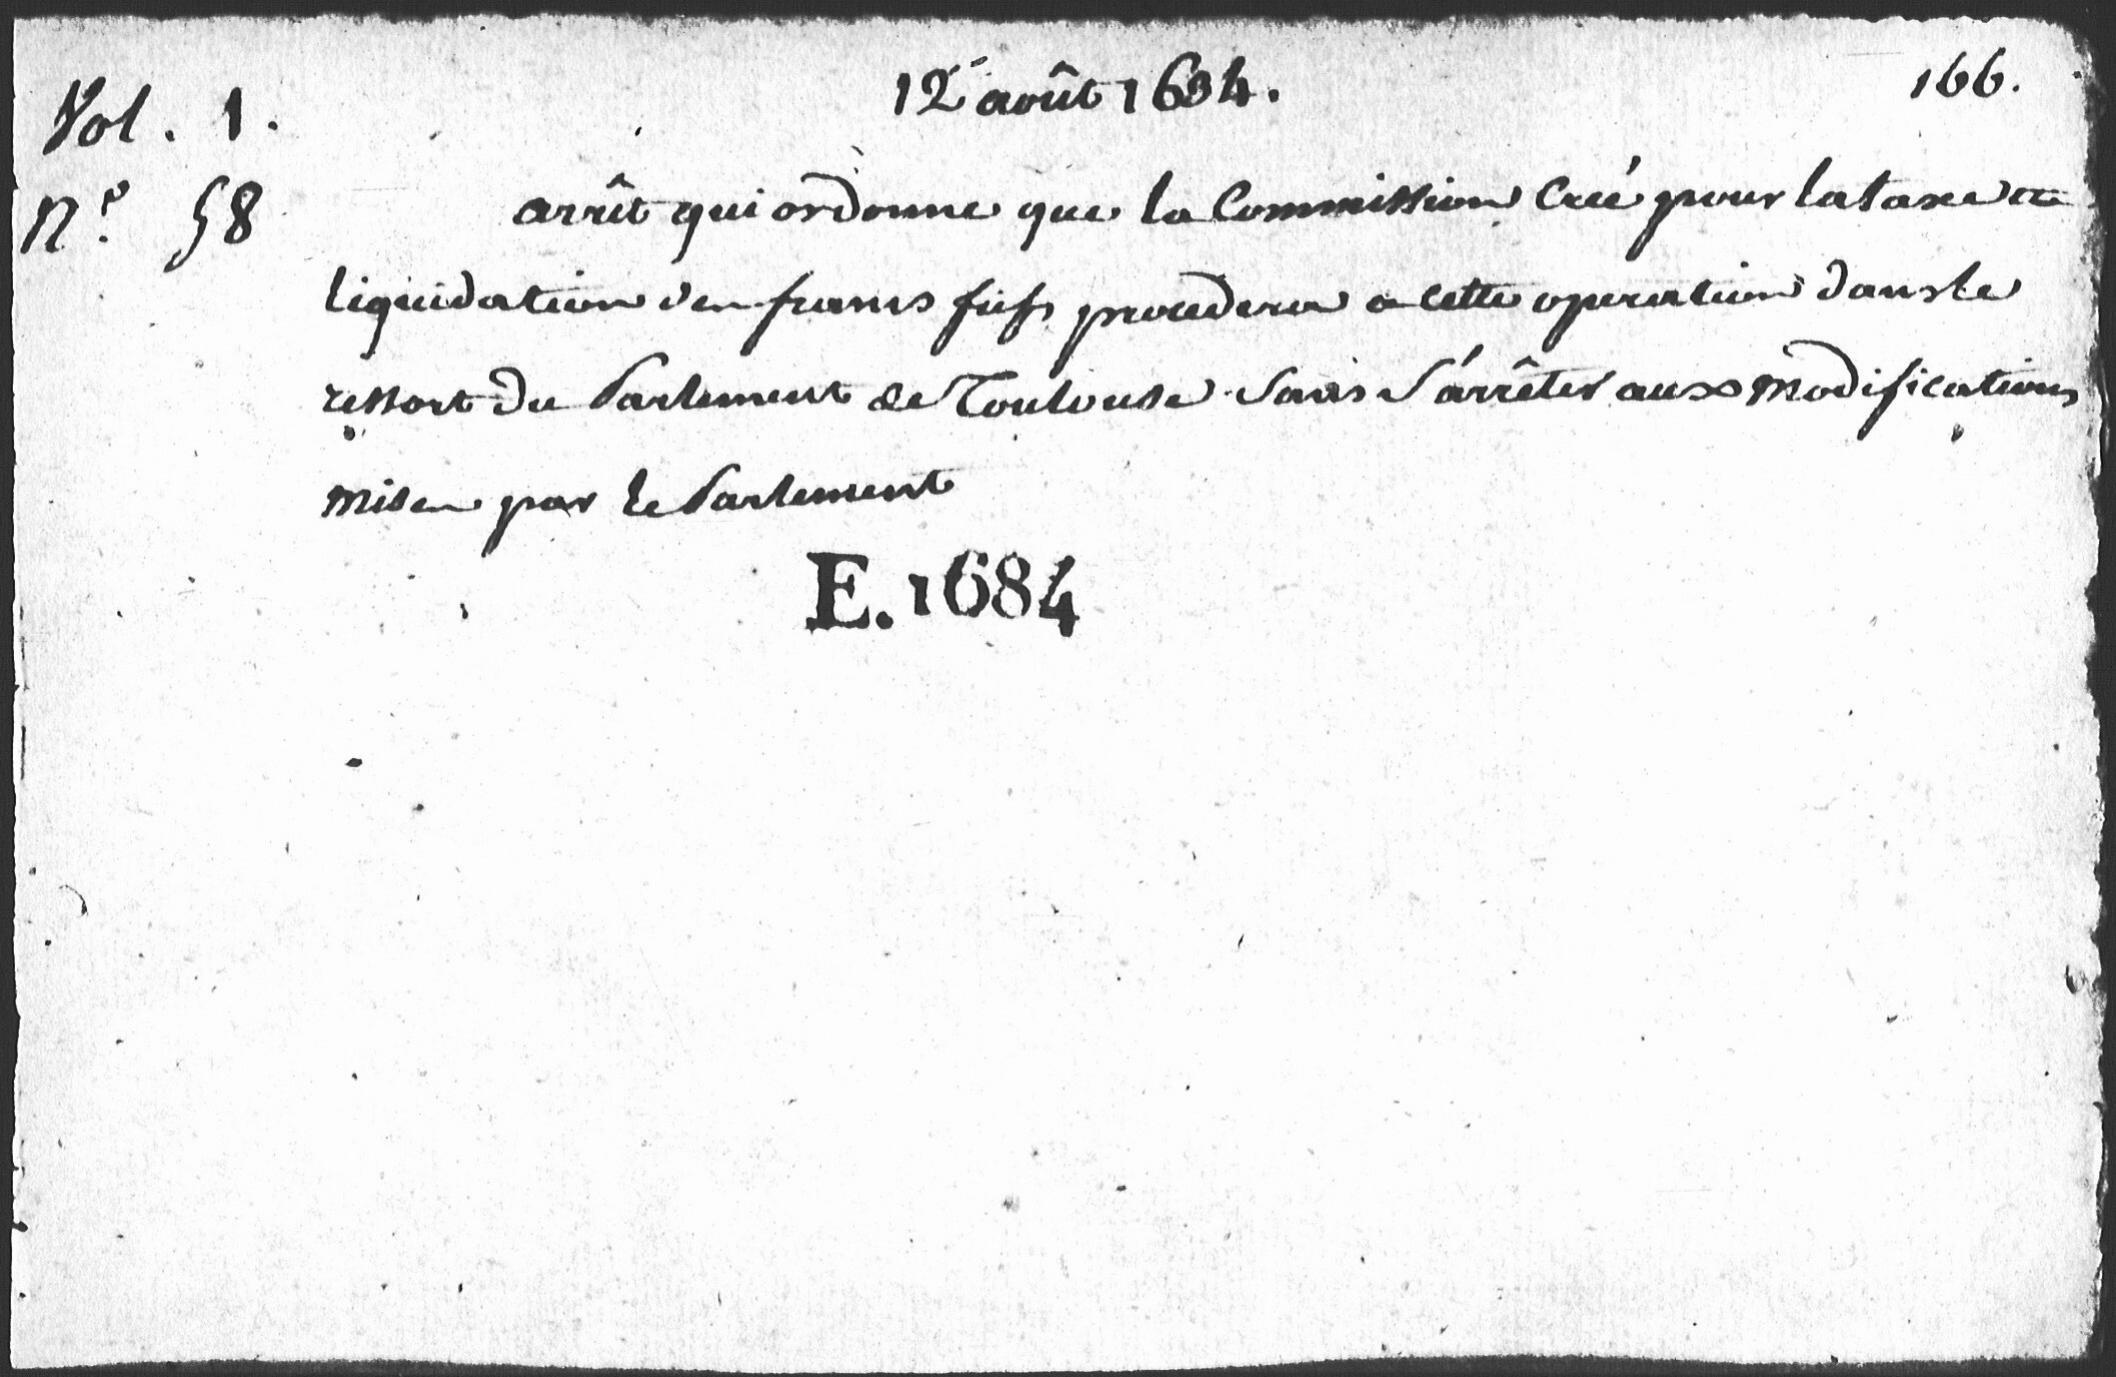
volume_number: n°58
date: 12 août 1634
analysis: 166
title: arrêt qui ordonne que la Commission crée pour la taxe et liquidation des francs fiefs pocedera a cette operation dans le ressort du Parlement de Toulouse sans s'arrêter aux modifications mises par le Parlement
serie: E
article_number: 1684
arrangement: vol. 1
